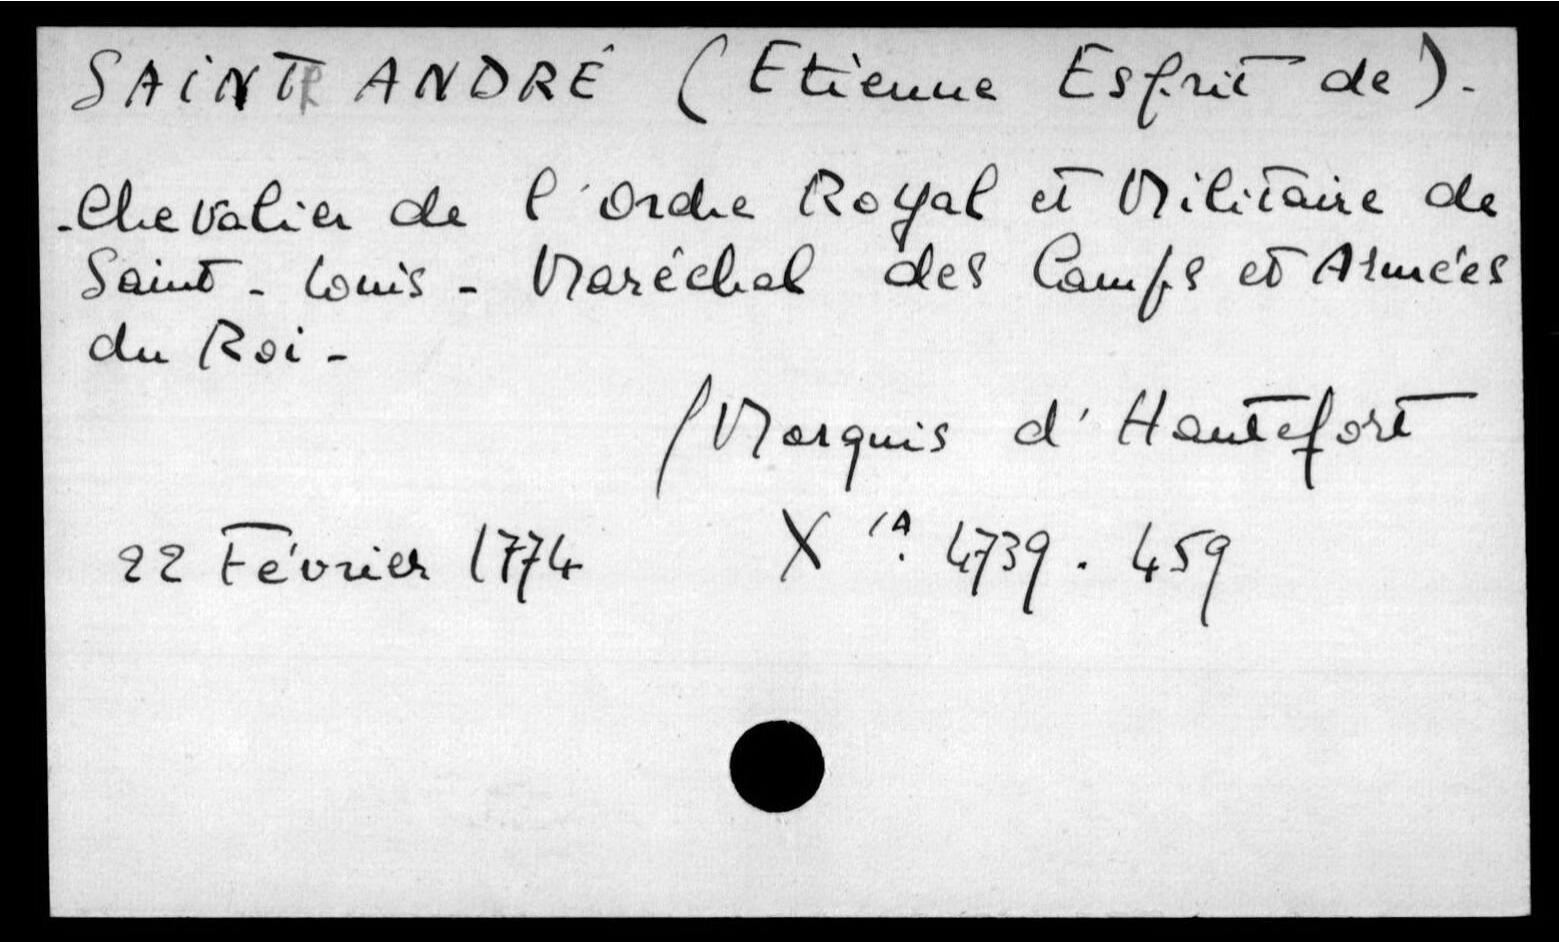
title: SAINT ANDRÉ (Etienne Esprit de) chevalier de l'ordre Royal et Militaire de Saint-Louis-Maréchal des camps et Armées du Roi.
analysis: Contre Marquis d'Hautefort
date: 22 février 1774
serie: X1A
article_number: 4739
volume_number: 459
